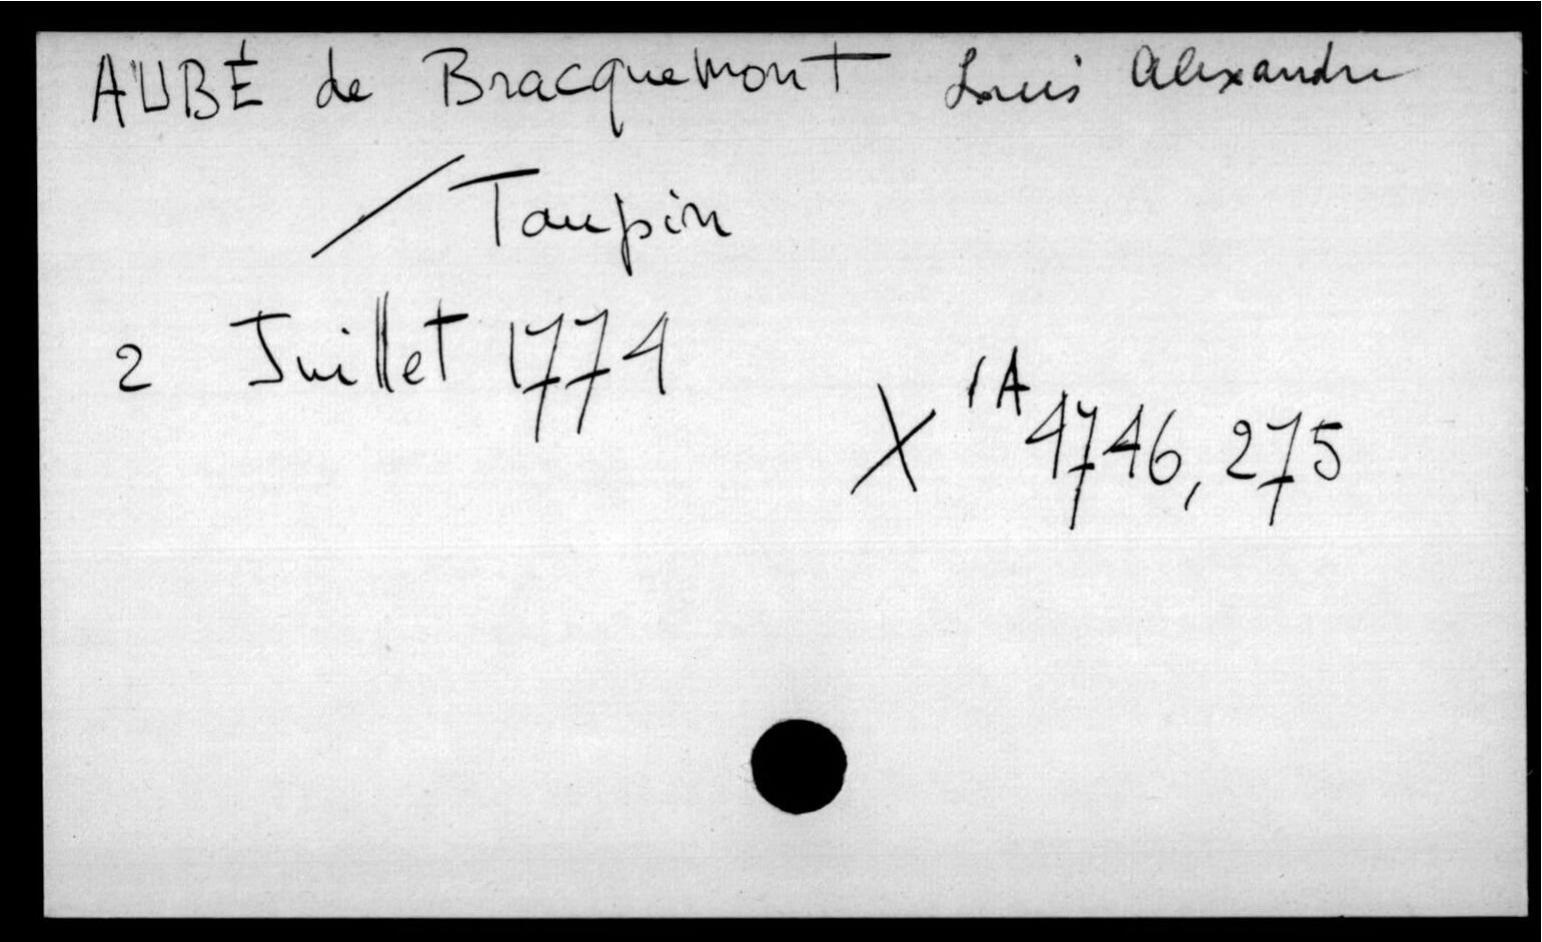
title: AUBé de Bracquemont Louis Alexandre
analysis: Contre Taupin
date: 2 juillet 1774
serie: X1A
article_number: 4746
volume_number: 275
